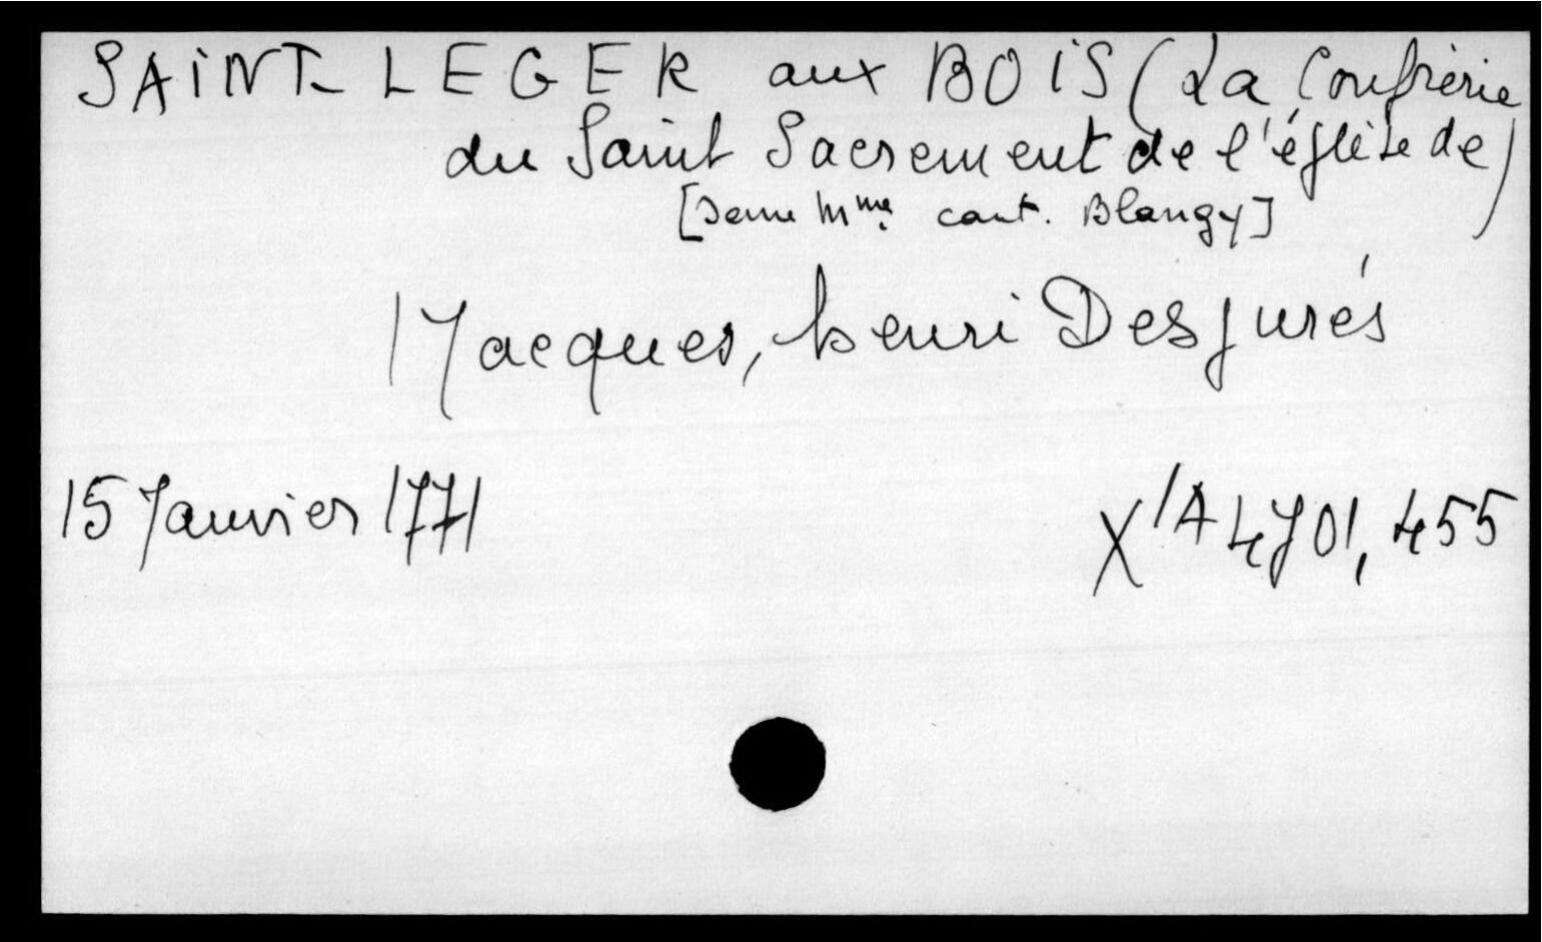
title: SAINT-LÉGER aux BOIS (La confrérie du Saint Sacrement de l'église de) [Seine-Maritime, canton Blangy]
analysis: Contre Jacques, Henri Desjurés
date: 15 janvier 1771
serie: X1A
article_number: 4701
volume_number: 455
